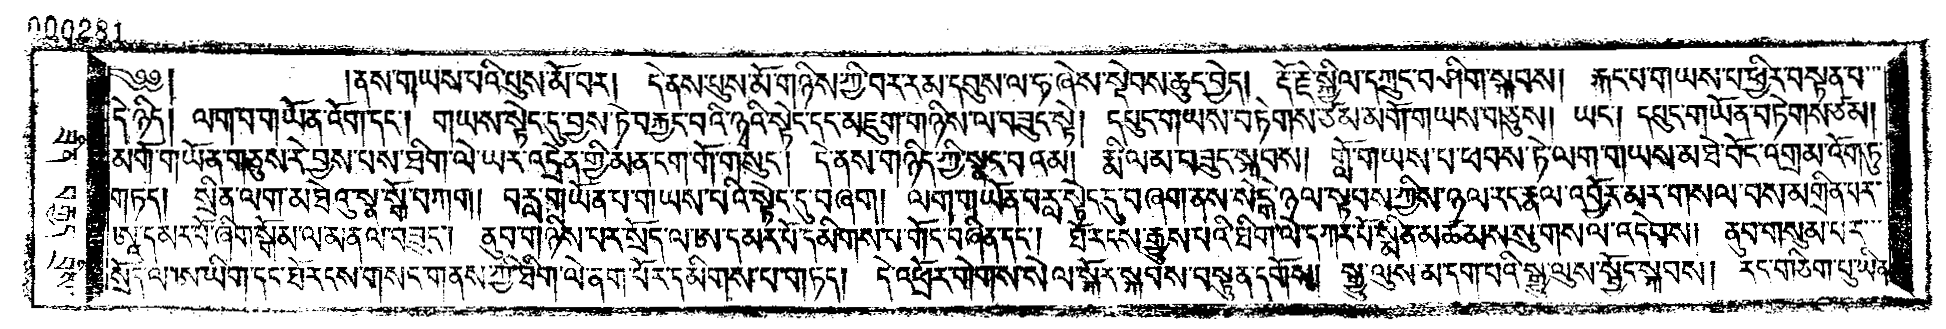༄༅། །ནས་གཡས་པའི་པུས་མོ་བར། དེ་ནས་པུས་མོ་གཉིས་ཀྱི་བར་རམ་དབུས་ལ་ཧ་ཞེས་སྡེབས་ཆུང་བྱེད། རྡོ་རྗེ་སྐྱིལ་དཀྲུང་བཤིག་སྐབས། རྐང་པ་གཡས་པ་ཕྱིར་བསྟན་པ་
དེ་ཉིད། ལག་པ་གཡོན་འོག་དང་། གཡས་སྟེང་དུ་བྱས་ཏེ་བརྐྱང་བའི་ཉྭའི་སྟེང་དང་མཇུག་གཉིས་ལ་བཟུང་སྟེ། དཔུང་གཡས་བཏེགས་ཙམ་མགོ་གཡས་གཅུས། ཡང་། དཔུང་གཡོན་བཏེགས་ཙམ།
མགོ་གཡོན་གཅུས་རེ་བྱས་པས་ཐིག་ལེ་ཡར་འདྲེན་གྱི་མན་ངག་གོ་གསུང་། དེ་ནས་གཉིད་ཀྱི་སྣང་བའམ། རྨི་ལམ་བཟུང་སྐབས། གློ་གཡས་པ་ཕབས་ཏེ་ལག་གཡས་མཐེ་བོང་འགྲམ་འོག་ཏུ་
གཏད༑ སྲིན་ལག་མཐེའུ་སྣ་སྒོ་བཀག །བརླ་གཡོན་པ་གཡས་པའི་སྟེང་དུ་བཞག །ལག་གཡོན་བརླ་སྟེང་དུ་བཞག་ནས་སེངྒེ་ཉལ་སྟབས་ཀྱིས་ཉལ་རང་རྣལ་འབྱོར་མར་གསལ་བས་མགྲིན་པར་
ཨཱ་དམར་པོ་ཞིག་སྒོམ་ལ་མནལ་བཟུང་། ནུབ་གཉིས་པར་སྲོད་ལ་ཨ་དམར་པོ་དམིགས་པ་གོང་བཞིན་དང་། ཐོ་རངས་རྒྱུས་པའི་ཐིག་ལེ་དཀར་པོ་སྨིན་མཚམས་སུ་གསལ་འདེབས། ནུབ་གསུམ་པར་
སྤོད་ལ་ཨ་ཡིག་དང་ཐོ་རངས་གསང་གནས་ཀྱི་ཐིག་ལེ་ནག་པོར་དམིགས་པ་གཏད། དེ་འཕྲོར་གེགས་སེལ་སྐོར་སྐབས་བསྟུན་དགོས། སྒྱུ་ལུས་མ་དག་པའི་སྒྱུ་ལུས་སྦྱོང་སྐབས། རང་གཅིག་པུ་ཡིན་